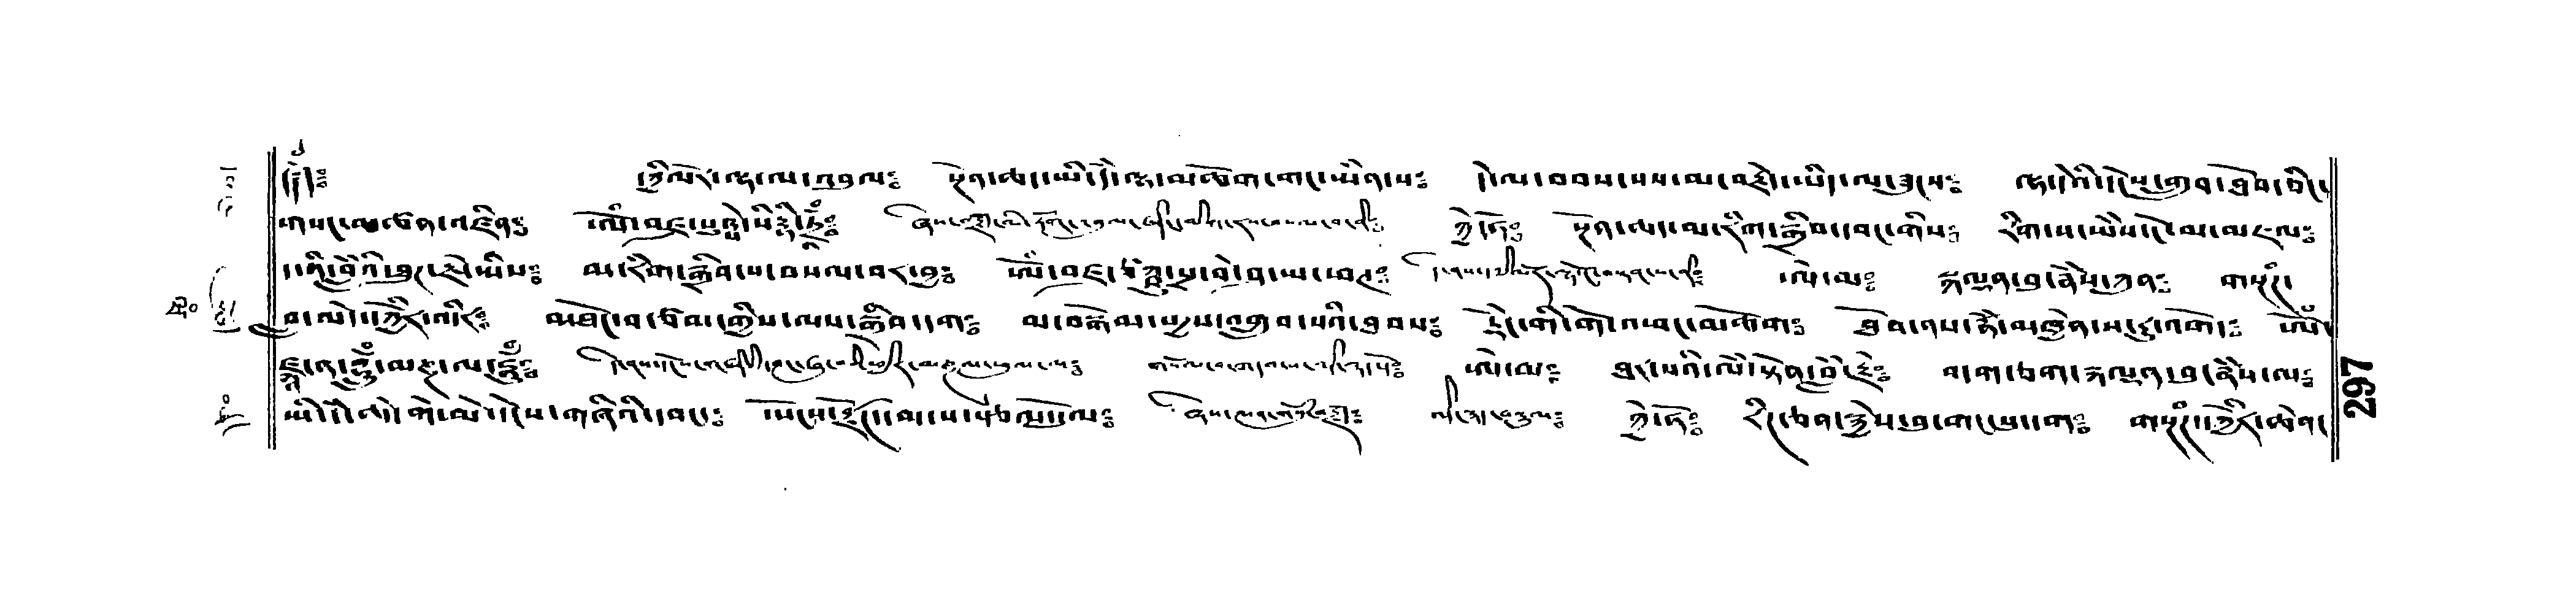དཀྱིལ་འཁོར་ལྷ་ལ་འབུལ༔ སྔོན་ཆད་ཡི་དམ་ལྷ་མཆོག་གང་ཡིན་པ༔ དེ་ལ་བབས་པས་མ་བརྗེད་ཡིད་ལ་ཟུངས༔ ལྷ་དེའི་དངོས་གྲུབ་ཐོབ་ཅིང་
གསང་མཚན་འཛིན༔ ཨོཾ་བཛྲ་པུཥྤེ་སིདྡྷི་ཏྲཱཾ༔ ཞེས་བརྗོད་མེ་ཏོག་འབུལ་ཞིང་མིག་རས་བསལ་བ་ནི༔ ཀྱེ་ཧོཿ སྔོན་ཆད་མ་རིག་སྒྲིབ་དབང་གིས༔ རིག་པ་ཡེ་ཤེས་ངོ་མ་མཇལ༔
 ད་ནི་བླ་མའི་ཐུགས་རྗེ་ཡིས༔ མ་རིག་སྒྲིབ་པ་བསལ་བར་བྱ༔ ཨོཾ་བཛྲ་ཙཀྵུ་པྲ་བེ་ཤ་ཡ་ཕཊ༔ དེ་ནས་དཀྱིལ་འཁོར་ལྷ་ངོ་བསྟན་པ་ནི༔ ཨེ་མ༔ སྐལ་ལྡན་བུ་རྣམས་ཀུན༔ གསང་སྔགས་
བླ་མེད་དཀྱིལ་འཁོར་འདིར༔ མཐོང་བ་ཙམ་གྱིས་ལས་སྒྲིབ་དག༔ མ་བསྒོམ་སངས་རྒྱས་འགྲུབ་པའི་ཐབས༔ རྡོ་རྗེ་འཆང་གི་གོ་འཕང་མཆོག༔ ཐོབ་ནས་རྣམ་མཁྱེན་ས་རུ་འགོད༔ ཨོཾ་
ཛྙཱ་ན་བྷྲཱུྃ་མཎྜ་ལ་ཧཱུྃ༔ དེ་ནས་དངོས་གཞིའི་དབང་ཞུ་བའི་ཕྱིར་མཎྜལ་ཕུལ་ལ༔ གསོལ་བ་གདབ་པ་འདི་སྐད་དོ༔ ཨེ་མ༔ ཐར་པའི་ལམ་སྟོན་བླ་མ་རྗེ༔ བདག་ཅག་སྐལ་ལྡན་བུ་རྣམས་ལ༔ 
ཡི་དམ་ཆེ་གེ་མོའི་དངོས་གཞིའི་དབང༔ ཡོངས་རྫོགས་དམ་པ་བསྩལ་དུ་གསོལ༔ ཞེས་ལན་གསུམ་བརྗོད༔ འདི་སྐད་བསྐུལ༔ ཀྱེ་ཧོཿ རིགས་ཅན་སྐྱེས་བུ་གང་སུ་དག༔ གསང་སྔགས་དཀྱིལ་འཁོར་ཆེན་